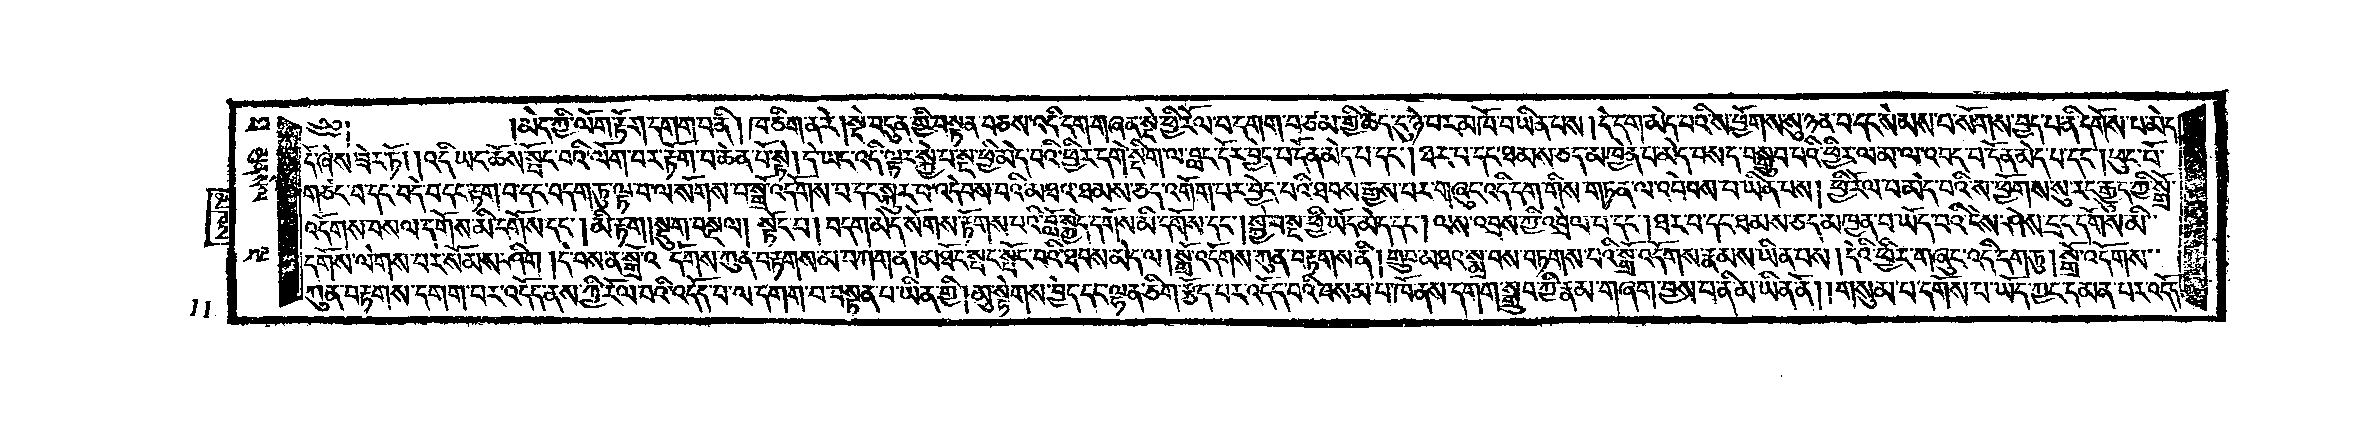༄༅། །མེད་ཀྱི་ལོག་རྟོག་དགག་པ་ནི། ཁ་ཅིག་ན་རེ། སྡེ་བདུན་གྱི་བསྟན་བཅོས་འདི་དག་གཞན་སྡེ་ཕྱི་རོལ་བ་དགག་པ་ཙམ་གྱི་ཆེད་དུ་ཉེ་བར་མཁོ་བ་ཡིན་པས། དེ་དག་མེད་པའི་ས་ཕྱོགས་སུ་ཉན་པ་དང་སེམས་པ་སོགས་བྱེད་པ་ནི་དགོས་པ་མེད་
དོ་ཞེས་ཟེར་ཏོ། །འདི་ཡང་ཆེས་སྤོང་བའི་ལོག་པར་རྟོག་པ་ཆེན་པོ་སྟེ། དེ་ཡང་འདི་ལྟར་སྐྱེ་བ་སྔ་ཕྱི་མེད་པའི་ཕྱིར་དགེ་སྡིག་ལ་བླང་དོར་བྱེད་པ་དོན་མེད་པ་དང་། ཐར་པ་དང་ཐམས་ཅད་མཁྱེན་པ་མེད་པས་དེ་བསྒྲུབ་པའི་ཕྱིར་ལམ་ལ་འབད་པ་དོན་མེད་པ་དང་། ཕུང་པོ་
གཙང་བ་དང་བདེ་བ་དང་རྟག་པ་དང་བདག་ཏུ་ལྟ་བ་ལ་སོགས་པ་སྒྲོ་འདོགས་པ་དང་སྐུར་བ་འདེབས་བའི་མཐའ་ཐམས་ཅད་འགོག་པར་བྱེད་པའི་ཐབས་རྒྱས་པར་གཞུང་འདི་དག་གིས་གཏན་ལ་འབེབས་པ་ཡིན་པས། ཕྱི་རོལ་བ་མེད་པའི་ས་ཕྱོགས་སུ་རང་རྒྱུད་ཀྱི་སྒྲོ་
འདོགས་བསལ་དགོས་མི་དགོས་དང་། མི་རྟག །སྡུག་བསྔལ། སྟོང་པ། བདག་མེད་སོགས་རྟོགས་པའི་བློ་སྐྱེད་དགོས་མི་དགོས་དང་། སྐྱེ་བ་སྔ་ཕྱི་ཡོད་མེད་དང་། ལས་འབྲས་ཀྱི་འབྲེལ་པ་དང་། ཐར་པ་དང་ཐམས་ཅད་མཁྱེན་པ་ཡོད་པའི་ངེས་ཤེས་དྲང་དགོས་མི་
དགོས་ལེགས་པར་སེམས་ཤིག །དེ་བས་ན་སྒྲོ་འདོགས་ཀུན་བརྟགས་མ་བཀག་ན། མཐོང་སྤང་སྤོང་བའི་ཐབས་མེད་ལ། སྒྲོ་འདོགས་ཀུན་བརྟགས་ནི། གྲུབ་མཐའ་སྨྲ་བས་བཏགས་པའི་སྒྲོ་འདོགས་རྣམས་ཡིན་པས། དེའི་ཕྱིར་གཞུང་འདི་དག་ཏུ། སྒྲོ་འདོགས་
ཀུན་བརྟགས་དགག་པར་འདོད་ནས་ཕྱི་རོལ་བའི་འདོད་པ་ལ་དགག་པ་བསྟན་པ་ཡིན་གྱི། མུ་སྟེགས་བྱེད་དང་ལྷན་ཅིག་རྩོད་པར་འདོད་པའི་བསམ་པ་ཁོ་ནས་དགག་སྒྲུབ་ཀྱི་རྣམ་གཞག་བྱས་པ་ནི་མ་ཡིན་ནོ། །གསུམ་པ་དགོས་པ་ཡོད་ཀྱང་དམན་པར་འདོད་